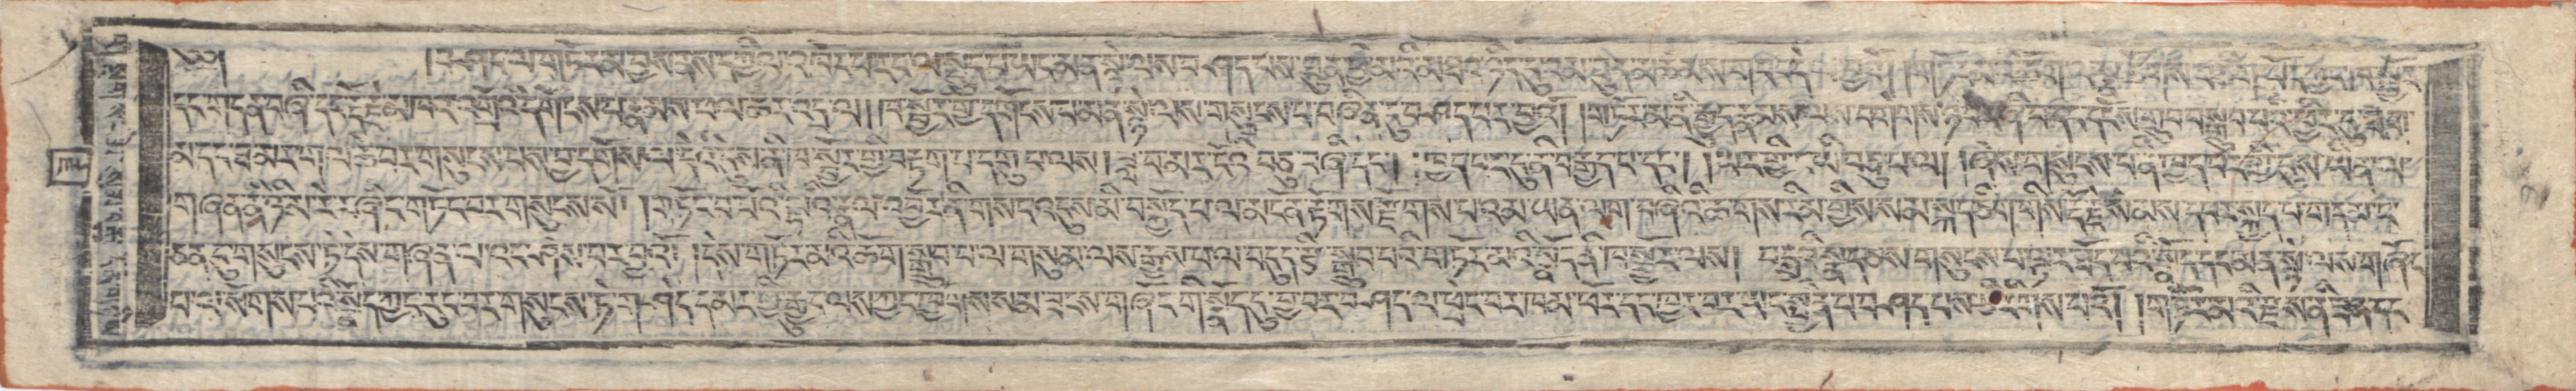༄༅། །བཤད་ལ་གཏོར་མ་བྱས་ནས་དཀྱིལ་འཁོར་པ་རང་ལ་སྡུད་པ་ཡང་མན་སྙེ་ལས་བཤད་པས་ཐུན་ཕྱི་མའི་མཐའ་ཉིད་དུ་འམ་ཐུན་མཚམས་གང་བདེ་ལ་བྱའོ། །གཏོར་མའི་ཆོ་ག་ལ་སྣ་ཚོགས་པ་ཅིག་ཡོད་ཀྱང་ཁ་སྦྱོར་
དང་གདན་བཞི་དང་རྡོ་རྗེ་མཁའ་འགྲོའི་དགོངས་པ་རྣམས་ཕལ་ཆེར་འདྲ་ལ། ཁ་སྦྱོར་གྱི་དགོངས་པ་མན་སྙེ་ལས་གསུངས་པ་བཞིན་དུ་བཤད་པར་བྱའོ། །གཏོར་མ་ནི་རྒྱུད་རྣམས་ལས་བགེགས་ཉེ་བར་ཞི་བ་དང་དངོས་གྲུབ་བསྒྲུབ་པའི་ཕྱིར་དུ་ཐོག་
མ་དང་ཐ་མར་གལ་ཆེ་བར་གསུངས་པས་བྱ་དགོས་ལ་དེའི་དུས་ནི་ཁ་སྦྱོར་གྱི་བརྟག་པ་དགུ་པ་ལས། ཟླ་བ་མར་ངོའི་བཅུ་བཞི་དང་། །ཁྱད་པར་དུ་ནི་བརྒྱད་པ་དང་། །ཡར་གྱི་ང་ཡི་བཅུ་པ་ལ། །ཞེས་གསུངས་པ་ནི་ཁྱད་པར་གྱི་དུས་ཡིན་ལ་
གཞན་ནི་ཉི་མ་རེ་རེ་ཞིང་གཏོང་བར་གསུངས་སོ། །གཏོང་བ་པོའི་ལྷའི་རྣལ་འབྱོར་ནི་གསང་འདུས་མི་བསྐྱོད་པ་ལ་མངོན་རྟོགས་རྫོགས་པ་འམ་ཡན་ལག་བཞིའི་ཆོ་གས་རིམ་གྱིས་སམ་སྐད་ཅིག་གིས་རྡོ་རྗེ་སེམས་དཔར་སྐྱེད་པ་གདམ་ང་
ཅན་དུ་གསུངས་ཏེ་དེ་གཞན་ལ་འང་ཤེས་པར་བྱའོ། །དེས་གཏར་མའི་ཆོག་སྒྲུབ་པ་ལ་གསུམ་ལས་རྒྱས་པ་ལ་བདུད་རྩི་སྒྲུབ་པའི་གཏོར་མའི་སྣོད་ནི་ཁ་སྦྱོར་ལས། པདམའི་སྣོད་ཅེས་གསུངས་པ་ལྟར་ཐོད་པའི་སྣོད་དང་མན་སྙེ་ལས་གཞོད་
པ་ལ་སོགས་པའི་སྣོད་ཀྱང་རུང་བར་གསུངས་ཏེ་གཤེད་དམར་གྱི་རྒྱུད་ལས་ཀྱང་ཁྱོགས་སམ་ཟངས་གཞོང་གི་སྣོད་དུ་བྱ་བར་བཤད་ལ་ཕྲེང་བར་ཁམ་ཕོར་དང་ཁྱར་བར་ཡང་སྦྱིན་པ་བཤད་པས་ཅི་རིགས་པའོ། །གཏོར་མའི་རྫས་ནི་ཟན་དང་